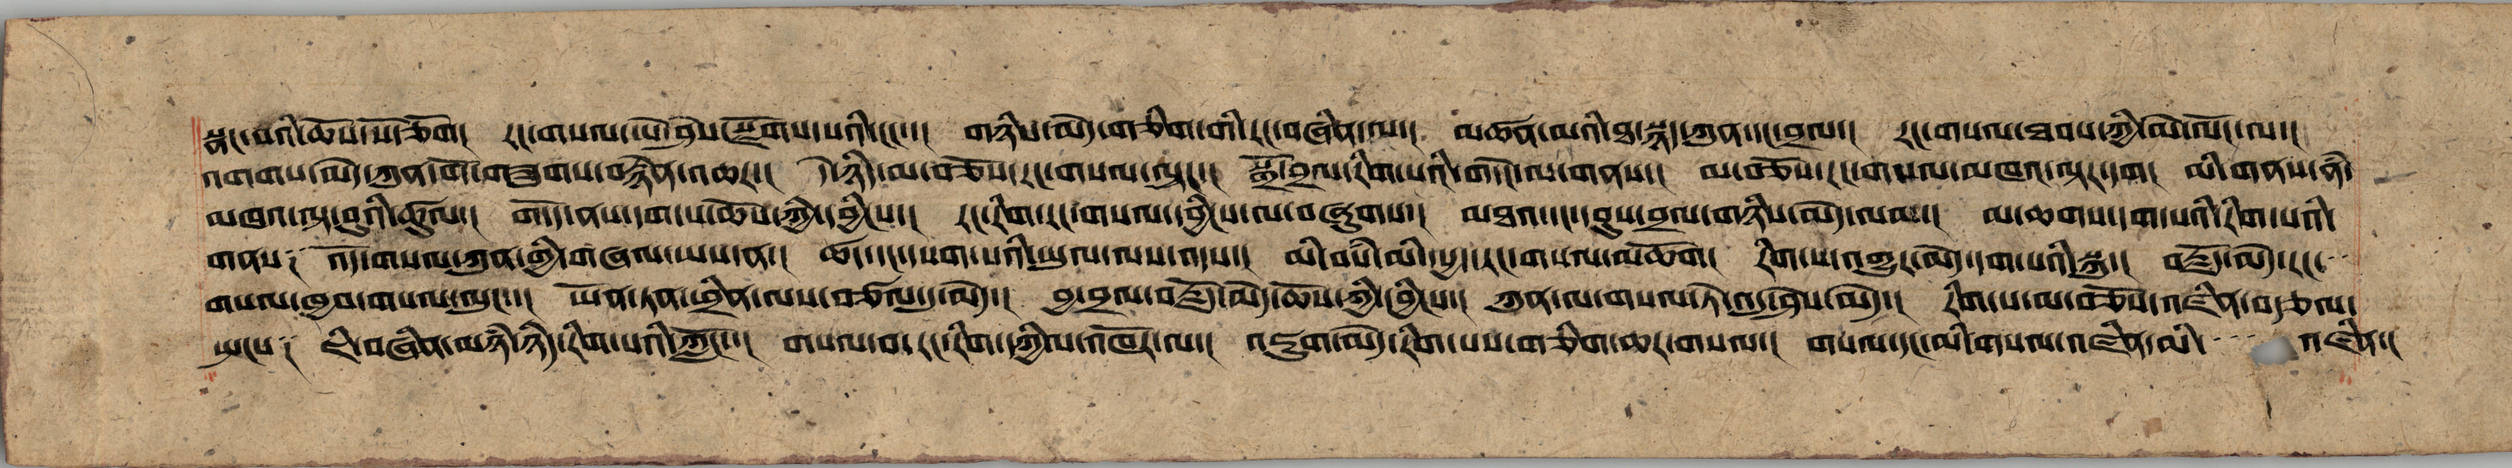སྣང་བའི་ཆོས་སོ་ཅོག། རང་གསལ་ཡེ་ཤེས་སྫོགས་པའི་ངང་་། གཉིས་མེད་གཅིག་གི་རང་བཞིན་ལ་། མཚན་མའི་ཐ་སྙད་ཀུན་དང་བྲལ་། རང་གསལ་ཐབས་ཀྱི་མེ་ལོང་ལ་།
འགགས་མེད་ཀུན་གོ་གཟུགས་བརྙེན་འཆར་། དེ་ཉིད་མ་བཅོས་རང་གསལ་ལྟར་། སྒྲོ་བྲལ་རིག་པའི་གདོང་ལ་གནས་། མ་བཅོས་རང་གསལ་མཁའ་ལྟར་དག། མི་གནས་ནཾ་
མཁའ་ལྟ་བུའི་ཚུལ་། གདོད་ནས་དག་པ་ཆོས་ཀྱི་དབྱིངས་། རང་རིག་རང་གསལ་དབྱིངས་ལ་བཞུགས་། མཐའ་དང་དབུས་བྲལ་གཉིས་མེད་ལམ་། མ་ཆགས་དག་པའི་རིག་པའི་
གནས༑ འོད་གསལ་ཀུན་གྱི་གཞལ་ཡས་ན་། ཚང་དང་དཔག་པའི་ཡུལ་ལས་འདས་། མི་བསམ་མི་དཔྱད་རང་གསལ་མཆོག། རིག་པ་འགྱུར་མེད་དག་པའི་སྐུ་། བརྗོད་མེད་རང་
གསལ་ཁྱབ་གསལ་ལུང་་། ཡོན་ཏན་ཕྲིན་ལས་བཙལ་དུ་མེད་། བྱ་བྲལ་བརྗོད་མེད་ཆོས་ཀྱི་དབྱིངས་། ཀུན་ལ་གསལ་ཏེ་འདུ་ཤེས་མེད་། རིག་པ་མ་བཅོས་འཛིན་བརྩལ་
སྤངས༑ ཇི་བཞིན་མཉཾ་ཉིད་རིག་པའི་ཀློང་་། གསལ་བ་རང་རིག་དཀྱིལ་འཁོར་ལ་། འཇུག་མེད་རིག་པས་གཅིག་ཆར་གསལ་། གསལ་དང་མི་གསལ་འཛིན་མི་་་ འཛིན་།